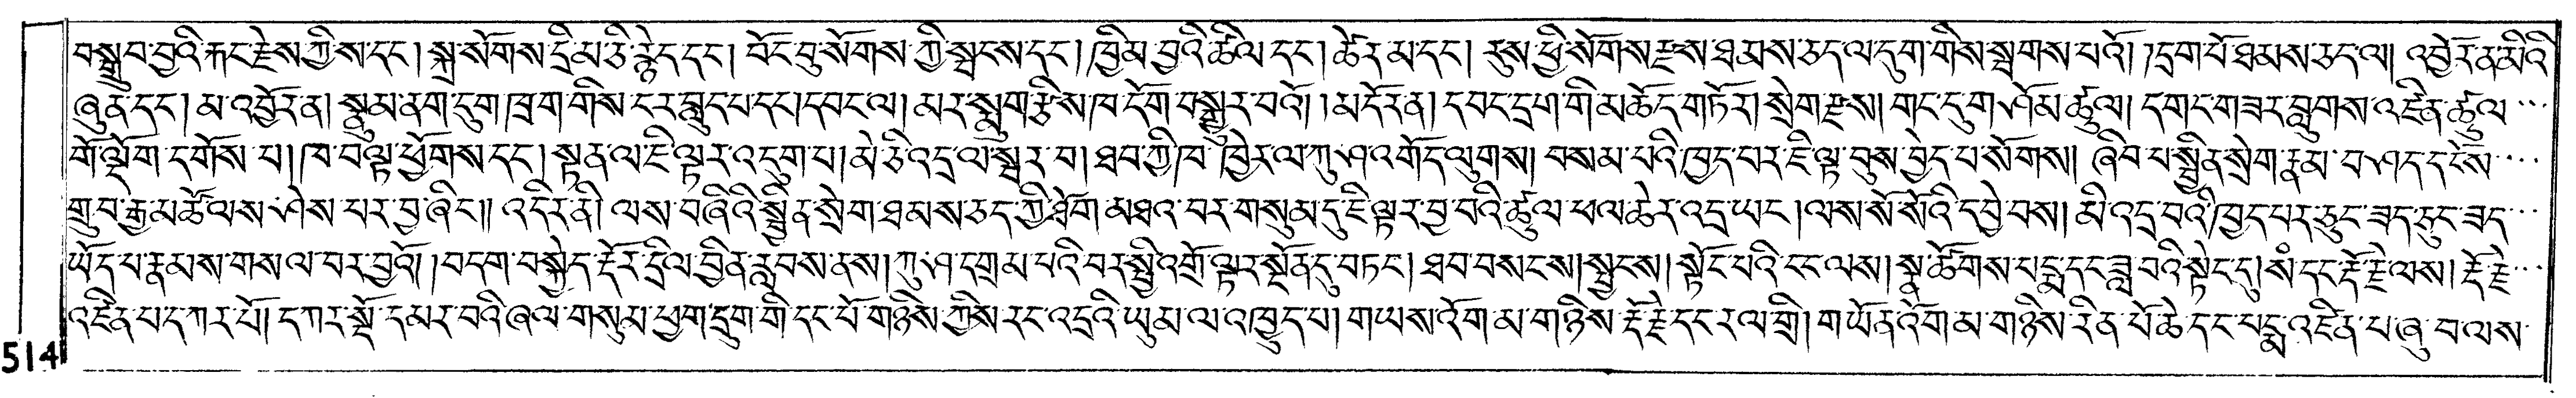བསྒྲུབ་བྱའི་རྐང་རྗེས་ཀྱི་ས་དང་། སྐྲ་སོགས་དྲི་མ་ཅི་རྙེད་དང་། བོང་བུ་སོགས་ཀྱི་སྤངས་དང་། ཁྱིམ་བྱའི་ཚིལ་དང་། ཚེར་མ་དང་། རུས་ཕྱི་སོགས་རྫས་ཐམས་ཅད་ལ་དུག་གིས་སྤགས་པའོ། །དྲག་པོ་ཐམས་ཅད་ལ། འབྱོར་ན་མིའི་
ཞུན་དང་། མ་འབྱོར་ན། སྣུམ་ནག་དུག་ཁྲག་གིས་ངར་བླུད་པ་དང་། དབང་ལ། མར་སྨུག་རྩིས་ཁ་དོག་བསྒྱུར་བའོ། །མདོར་ན། དབང་དྲག་གི་མཆོད་གཏོར། སྲེག་རྫས། གང་དུ་གཤོམ་ཚུལ། དགང་གཟར་བླུགས་འཛིན་ཚུལ་
གོ་ལྡོག་དགོས་པ། ཁ་བལྟ་ཕྱོགས་དང་། སྟན་ལ་ཇི་ལྟར་འདུག་པ། མེ་ཅི་འདྲ་ལ་སྦར་བ། ཐབ་ཀྱི་ཁ་ཁྱེར་ལ་ཀུ་ཤ་འགོད་ལུགས། བསམ་པའི་ཁྱད་པར་ཇི་ལྟ་བུས་བྱེད་པ་སོགས། ཞིབ་པ་སྦྱིན་སྲེག་རྣམ་བཤད་དངོས་
གྲུབ་རྒྱ་མཚོ་ལས་ཤེས་པར་བྱ་ཞིང་། །འདིར་ནི། ལས་བཞིའི་སྦྱིན་སྲེག་ཐམས་ཅད་ཀྱི་ཐོག་མཐའ་བར་གསུམ་དུ་ཇི་ལྟར་བྱ་བའི་ཚུལ་ཕལ་ཆེར་འདྲ་ཡང་། ལས་སོ་སོའི་དབྱེ་བས། མི་འདྲ་བའི་ཁྱད་པར་ཅུང་ཟད་ཅུང་ཟད་
ཡོད་པ་རྣམས་གསལ་བར་བྱའོ། །བདག་བསྐྱེད་རྡོར་དྲིལ་བྱིན་རླབས་ནས། ཀུ་ཤ་དགྲམ་པའི་བར་སྤྱི་འགྲོ་ལྟར་སྔོན་དུ་བཏང་། ཐབ་བསངས། སྦྱངས། སྟོང་པའི་ངང་ལས། སྣ་ཚོགས་པདམ་དང་ཟླ་བའི་སྟེང་དུ། སཾ་དང་རྡོ་རྗེ་ལས། རྡོ་རྗེ་
འཛིན་པ་དཀར་པོ། དཀར་སྔོ་དམར་བའི་ཞལ་གསུམ་ཕྱག་དྲུག་གི་དང་པོ་གཉིས་ཀྱིས་རང་འདྲའི་ཡུམ་ལ་འཁྱུད་པ། གཡས་འོག་མ་གཉིས་རྡོ་རྗེ་དང་རལ་གྲི། གཡོན་འོག་མ་གཉིས་རིན་པོ་ཆེ་དང་པདམ་འཛིན་པ་ཞུ་བ་ལས་